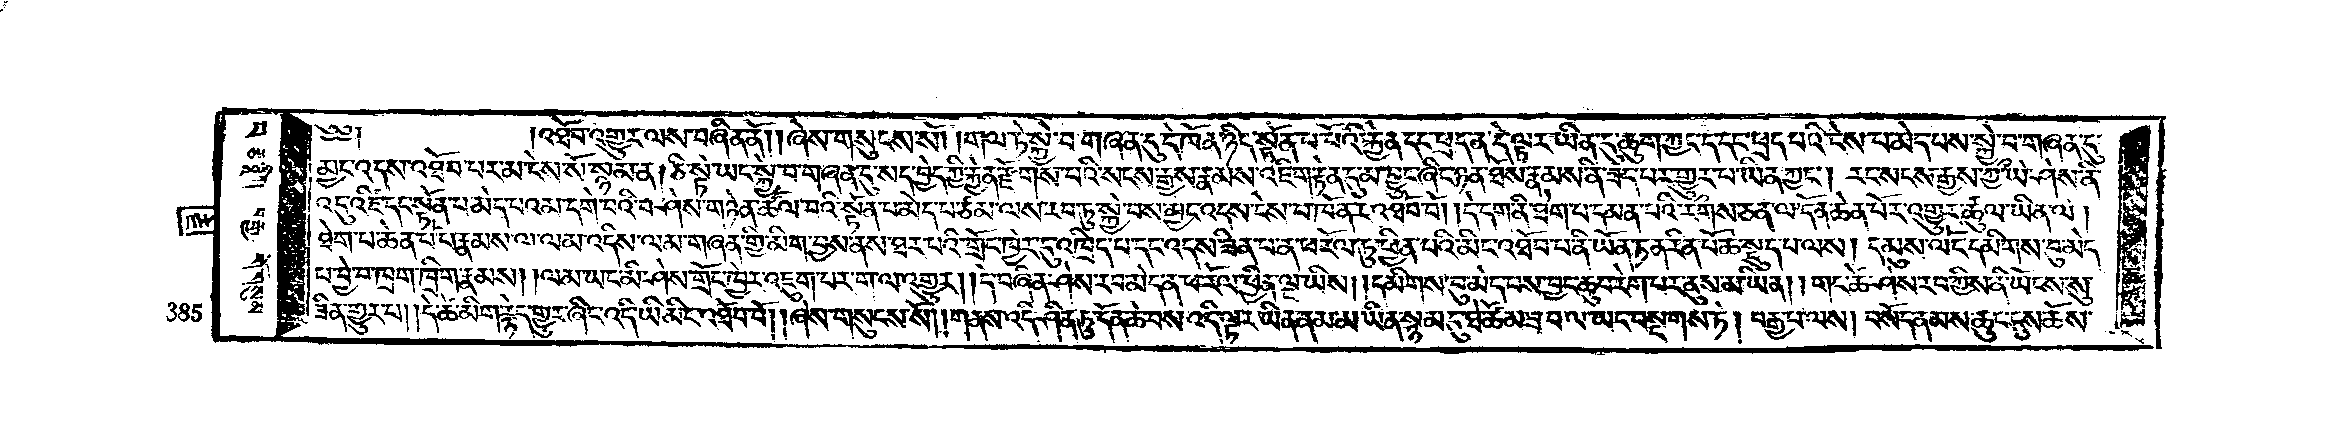༄༅། །འཐོབ་འགྱུར་ལས་བཞིན་ནོ། །ཞེས་གསུངས་སོ། །གལ་ཏེ་སྐྱེ་བ་གཞན་དུ་དེ་ཁོ་ན་ཉིད་སྟོན་པ་པོའི་རྐྱེན་དང་ཕྲད་ན་དེ་ལྟར་ཡིན་དུ་ཆུག་ཀྱང་དེ་དང་ཕྲད་པའི་ངེས་པ་མེད་པས་སྐྱེ་བ་གཞན་དུ་
མྱང་འདས་འཐོབ་པར་མ་ངེས་སོ་སྙམ་ན། ཅི་སྟེ་ཡང་སྐྱེ་བ་གཞན་དུ་སད་བྱེད་ཀྱི་རྐྱེན་རྫོགས་པའི་སངས་རྒྱས་རྣམས་འཇིག་རྟེན་དུ་མ་བྱུང་ཞིང་ཉན་ཐོས་རྣམས་ནི་ཟད་པར་གྱུར་པ་ཡིན་ཀྱང་། རང་སངས་རྒྱས་ཀྱི་ཡེ་ཤེས་ནི་
འདུ་འཛི་དང་སྟོན་པ་མེད་པའམ་དགེ་བའི་བཤེས་གཉེན་ཚོལ་བའི་སྟོན་པ་མེད་པ་ཙམ་ལས་རབ་ཏུ་སྐྱེ་བས་མྱང་འདས་ངེས་པ་ཁོ་ནར་འཐོབ་བོ། །དེ་དག་ནི་ཐེག་པ་དམན་པའི་རིགས་ཅན་ལ་དོན་ཆེན་པོར་འགྱུར་ཚུལ་ཡིན་ལ།
ཐེག་པ་ཆེན་པ་པོ་རྣམས་ལ་ལམ་འདིས་ལམ་གཞན་གྱི་མིག་བྱས་ནས་ཐར་པའི་གྲོང་ཁྱེར་དུ་འཁྲིད་པ་དང་འདས་ཟིན་པ་ན་ཕ་རོལ་ཏུ་ཕྱིན་པའི་མིང་འཐོབ་པ་ནི་ཡོན་ཏན་རིན་པོ་ཆེ་སྡུད་པ་ལས། དམུས་ལོང་དམིགས་བུ་མེད་
པ་བྱེ་བ་ཁྲག་ཁྲིག་རྣམས། །ལམ་ཡང་མི་ཤེས་གྲོང་ཁྱེར་འཇུག་པར་ག་ལ་འགྱུར། །དེ་བཞིན་ཤེས་རབ་མེད་ན་ཕ་རོལ་ཕྱིན་ལྔ་ཡིས། །དམིགས་བུ་མེད་པས་བྱང་ཆུབ་རེག་པར་ནུས་མ་ཡིན། །གང་ཚེ་ཤེས་རབ་ཀྱིས་ནི་ཡོངས་སུ་
ཟིན་གྱུར་པ། །དེ་ཚེ་མིག་རྙེད་གྱུར་ཞིང་འདི་ཡི་མིང་འཐེབ་བོ། །ཞེས་གསུངས་སོ། །གནས་འདི་ཤིན་ཏུ་དོན་ཆེ་བས་འདི་ལྟར་ཡིན་ནམ་མ་ཡིན་སྙམ་དུ་ཐེ་ཚོམ་ཟ་བ་ལ་ཡང་བསྔགས་ཏེ། བརྒྱ་པ་ལས། བསོད་ནམས་ཆུང་དུས་ཆོས་